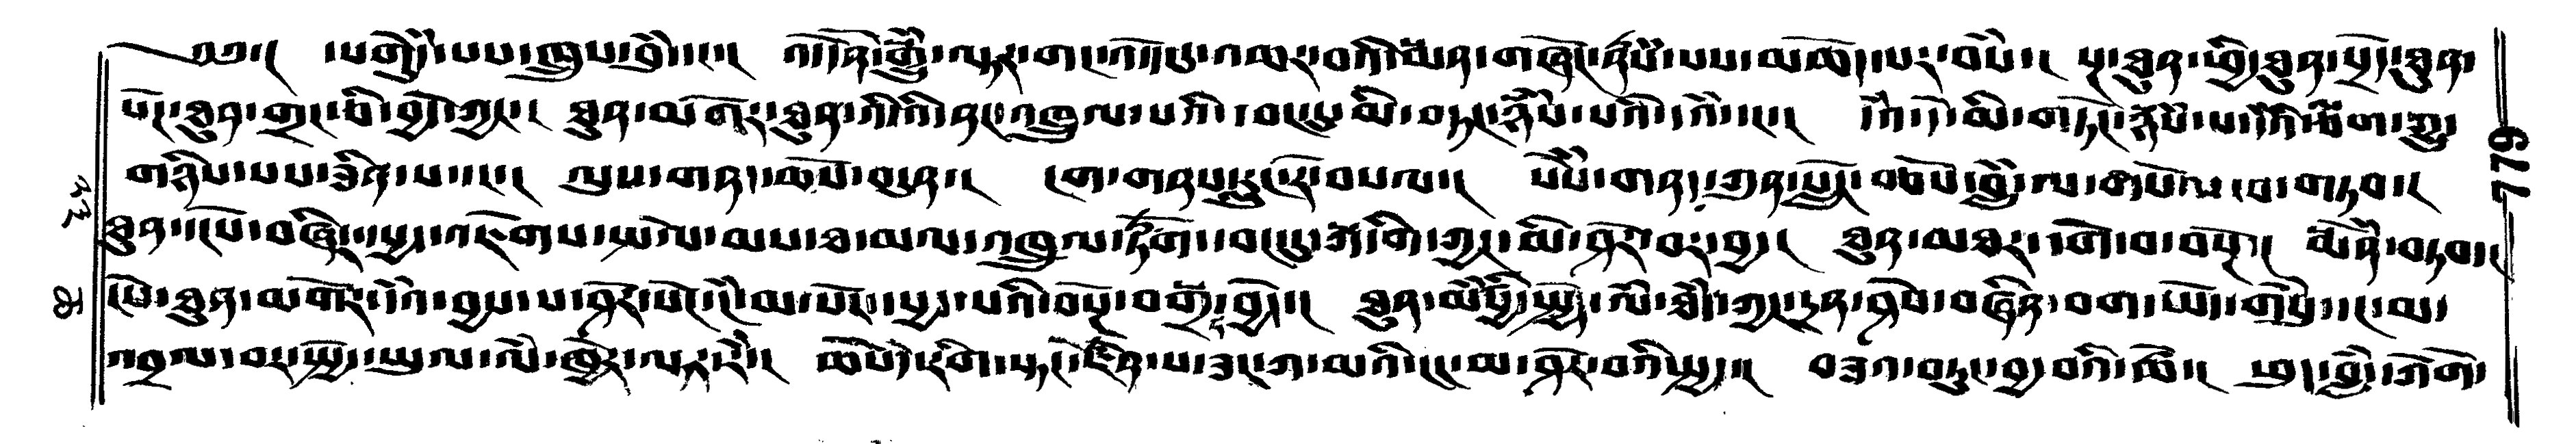དཔག་ཏུ་མེད་པས་ཁྲུས་བུམ་དང་། འདོད་ཡོན་སྒྱུ་མ་ལྟར་གང་འདོད་དུ་འཆར་བའི་སྨན་གཞོང་བསྣམ་པས་མཆོད་པར་བསམ། སྔ་ཐུན་ཕྱི་ཐུན་སྲོད་ཐུན་
སོགས་ཐུན་གྲངས་ཅི་བྱེད་ཀྱང་། ཐུན་མགོར་ཐུན་འདིའི་ནང་འཁྲུལ་པའི་དབང་དུ་མི་བཏང་སྙམ་པའི་དམ་བཅའ་དང་། དམ་བཅའ་དེ་མི་གཏོང་སྙམ་པ་དམ་བཅའི་ལྕགས་ཀྱུ་
གཉིས་པས་ཟིན་པ་དང་། ལུས་གནད་ཆོས་བདུན། ངག་གནད་རླུང་རོ་བསལ། སེམས་གནད་ཀུན་སློང་བཅོས། བླ་མ་ལ་གསོལ་བ་གདབ། 
ཐུན་དངོས་གཞིར་དཔྱད་འཇོག་སྤེལ་མས་ཐ་མལ་འཁྲུལ་རྟོག་དབང་དུ་སྐད་ཅིག་ཀྱང་མི་ཤོར་བར་བྱ། ཐུན་མཐར་དགེ་བ་བསྔོ། སྨོན་ལམ་བཏབ། 
ངས་ཐུན་མགོར་དམ་བཅའ་བྱས་པ་ཤོར་སོང་ངམ་མ་སོང་དཔྱད་པའི་བསྔོ་བསྒྲང་བྱེད། ཐུན་མཚམས་ཀྱི་སྤྱོད་ལམ་ཐམས་ཅད་ཀྱང་དྲན་ཤེས་བཞིན་བག་ཡོད་གསུམ་དང་མ་
འབྲལ་བར་སྤྱོད་ཡུལ་ལམ་ཁྱེར་ལྟར་རམ། ཆོས་ཉིད་རིག་སྟོང་རྗེན་པ་ཟང་ཀ་མའི་ངང་མ་ཤོར་བར་སྤྱད། བཟའ་བཏུང་བྱ་བའི་ཚེ། ཕུད་བླ་མ་དཀོན་མཆོག་ལ་